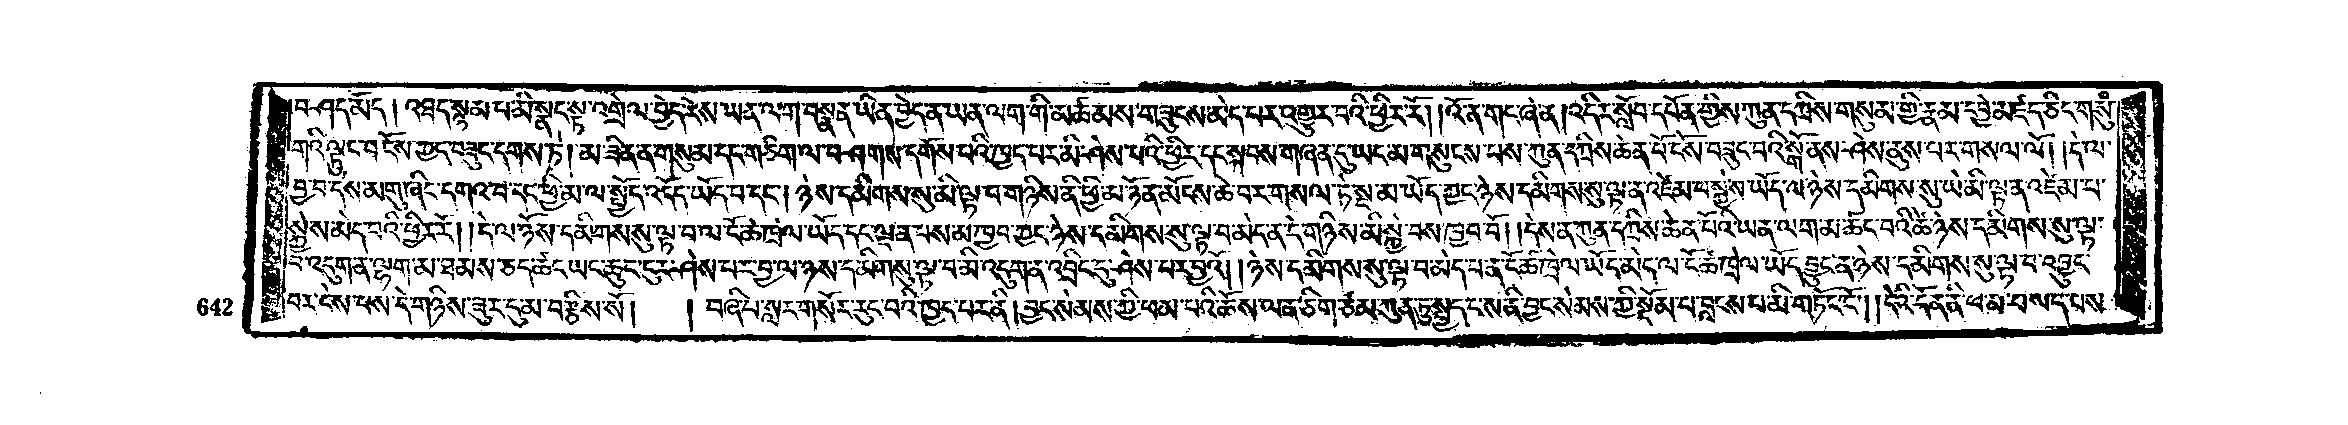བཤད་མོད། འཐད་སྙམ་པ་མི་སྣང་སྟེ་འགྲེལ་བྱེད་རེས་ཡན་ལག་བསྣན་ཡིན་བྱེད་ན་ཡན་ལག་གི་མཚམས་གཟུངས་མེད་པར་འགྱུར་བའི་ཕྱིར་རོ། །འོ་ན་གང་ཞེ་ན། འདིར་སློབ་དཔོན་གྱིས་ཀུན་དཀྲིས་གསུམ་གྱི་རྣམ་དབྱེ་མཛད་ཅིང་གསུམ་
གའི་ལྟུང་བ་ངོས་ཀྱང་བཟུང་དགས་?་ཏེ། མ་ཟིན་ན་གསུམ་དང་གཅིག་ལ་བཤགས་དགོས་པའི་ཁྱད་པར་མི་ཤེས་པའི་ཕྱིར་དང་སྐབས་གཞན་དུ་ཡང་མ་གསུངས་པས་ཀུན་དཀྲིས་ཆེན་པོ་ངོས་བཟུང་བའི་སྒོ་ནས་ཤེས་ནུས་པར་གསལ་ལོ། །དེ་ལ་
བྱ་བ་དེས་མགུ་ཞིང་དགའ་བ་དང་ཕྱི་མ་ལ་སྤྱོད་འདོད་ཡོད་པ་དང་། ཉེས་དམིགས་སུ་མི་ལྟ་བ་གཉིས་ནི་ཕྱི་མ་ཉོན་མོངས་ཆེ་བར་གསལ་ཏེ་སྔ་མ་ཡོད་ཀྱང་ཉེས་དམིགས་སུ་ལྟ་ན་འཛེམ་པ་སྐྱེས་ཡོད་ལ་ཉེས་དམིགས་སུ་ཡེ་མི་ལྟ་ན་འཛེམ་པ་
སྐྱེས་མེད་པའི་ཕྱིར་རོ། །དེ་ལ་ཉོས་དམིགས་སུ་ལྟ་བ་ལ་ངོ་ཚ་ཁྲེལ་ཡོད་དང་ལྡན་པས་མ་ཁྱབ་ཀྱང་ཉེས་དམིགས་སུ་ལྟ་བ་མེད་ན་དེ་གཉིས་མི་སྐྱེ་བས་ཁྱབ་བོ། །དེས་ན་ཀུན་དཀྲིས་ཆེན་པོའི་ཡན་ལག་མ་ཚང་བའི་ཚེ་ཉེས་དམིགས་སུ་ལྟ་
བ་འདུག་ན་ལྷག་མ་ཐམས་ཅད་ཚང་ཡང་ཆུང་ངུར་ཤེས་པར་བྱ་ལ་ཉས་དམིགས་སུ་ལྟ་བ་མི་འདུག་ན་འབྲིང་དུ་ཤེས་པར་བྱའོ། །ཉེས་དམིགས་སུ་ལྟ་བ་མེད་པ་ན་ངོ་ཚ་ཁྲེལ་ཡོད་མེད་ལ་ངོ་ཚ་ཁྲེལ་ཡོད་བྱུང་ན་ཉེས་དམིགས་སུ་ལྟ་བ་འབྱུང་
བར་ངེས་པས་དེ་གཉིས་ཟུར་དུ་མ་བརྩིས་སོ། །བཞི་པ་སླར་གསོར་རུང་བའི་ཁྱད་པར་ནི། བྱང་སེམས་ཀྱི་ཕམ་པའི་ཆོས་ལན་ཅིག་ཙམ་ཀུན་ཏུ་སྤྱད་པས་ནི་བྱང་སེམས་ཀྱི་སྡོམ་པ་བླངས་པ་མི་གཏོང་ངོ། །དེའི་དོན་ནི་ཕ་མ་བསད་པས་